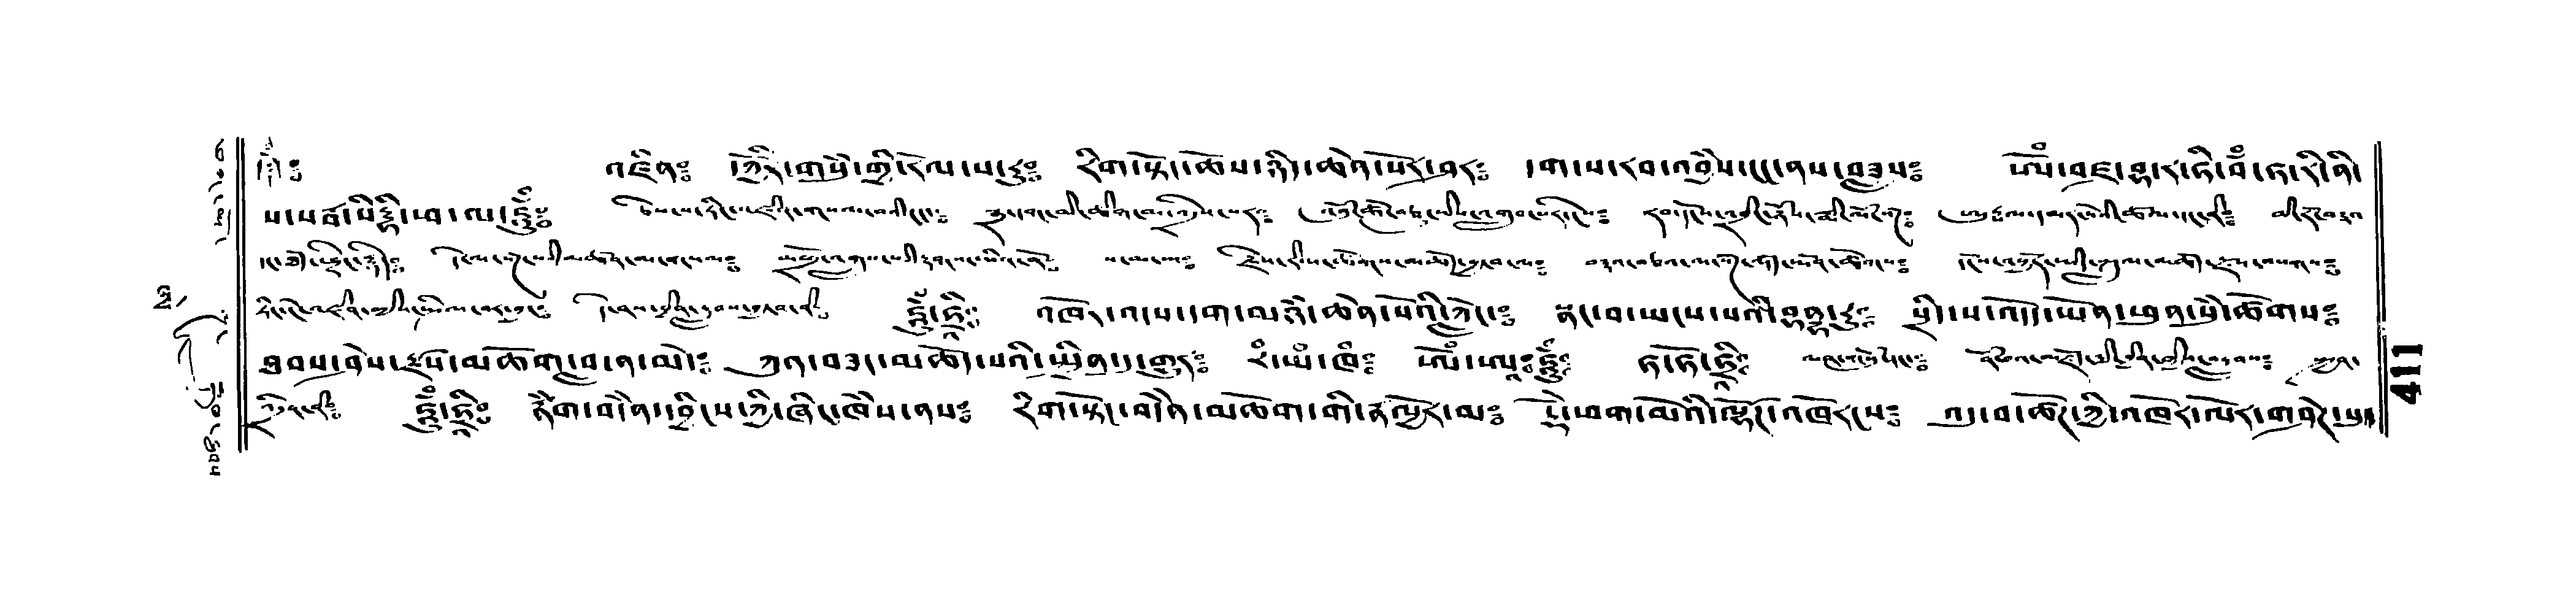འཛིན༔ དཀྱིལ་འཁོར་གསུམ་གྱི་རོལ་པ་རུ༔ རིག་སྟོང་ཆོས་ཉིད་ཆེན་པོར་ཤར༔ དག་པ་རབ་འབྱམས་ངང་ནས་བཟླས༔ ཨོཾ་བཛྲ་བྷ་ར་ཧི་བྃ་ཧ་རི་ནི་
ས་སརྦ་སིདྡྷི་ཕ་ལ་ཧཱུྃ༔ ཅེས་པ་ཏིང་འཛིན་གསལ་བའི་ངང༔ སྒྲ་དག་མི་ཚིག་མ་འདྲེས་པར༔ འབུམ་ཚོ་བཅུ་ཡིས་འགྲུབ་པར་ངེས༔ རབ་དངོས་འབྲིང་ཉམས་རྨི་ལམ་སོགས༔ ཨུཏྤལ་དམར་པོའི་ཚལ་དང་ནི༔ མི་རོ་བཟའ་
དང་ཐོད་ཕྲེང་རྙེད༔ དེ་ལ་སོགས་པའི་མཚན་མ་གསལ༔ མཁའ་འགྲོ་འགྲུབ་པའི་རྟགས་ཡིན་ནོ༔ ས་མ་ཡ༔ རྗེས་རིམ་ཚོགས་མཆོད་བྱ་བ་ལ༔ བཟའ་བཅའ་ལ་སོགས་འདོད་ཡོན་ཚོགས༔ དངོས་འབྱོར་ཡིད་སྤྲུལ་མཆོད་རྫས་བསགས༔ 
ཏིང་ངེ་འཛིན་གྱིས་སྤེལ་བར་བྱ༔ དེ་ནས་བྱིན་རླབས་བྱ་བ་ནི༔ ཧཱུྃ་ཧྲཱིཿ འཁོར་འདས་དག་མཉམ་ཆེན་པོའི་ཀློང༔ སྣང་བ་ཡངས་པའི་བྷནྡྷ་རུ༔ སྲིད་པ་འདོད་ཡོན་ཕུན་སུམ་ཚོགས༔ 
ཐབས་ཤེས་རྫས་མཆོག་བླ་ན་མེད༔ ཀུན་བཟང་མཆོད་པའི་སྤྲིན་དུ་གྱུར༔ རཾ་ཡཾ་ཁཾ༔ ཨོཾ་ཨཱཿཧཱུྃཿ ཧ་ཧོ་ཧྲཱིཿ ལན་གསུམ་དང༔ནམ་མཁའ་མཛོད་ཀྱི་བྱིན་གྱིས་བརླབ༔ སྤྱན་
འདྲེན་ནི༔ ཧཱུྃ་ཧྲཱིཿ རྣམ་དག་བདེ་ཆེན་དབྱིངས་ཀྱི་ཞིང་ཁམས་ནས༔ རིག་སྟོང་བདེ་ཆེན་མཆོག་གི་རྣལ་འབྱོར་མ༔ རྡོ་རྗེ་ཕག་མོའི་ལྷ་ཚོགས་འཁོར་དང་བཅས༔ འདུ་བ་ཚོགས་ཀྱི་འཁོར་ལོར་གཤེགས་སུ་